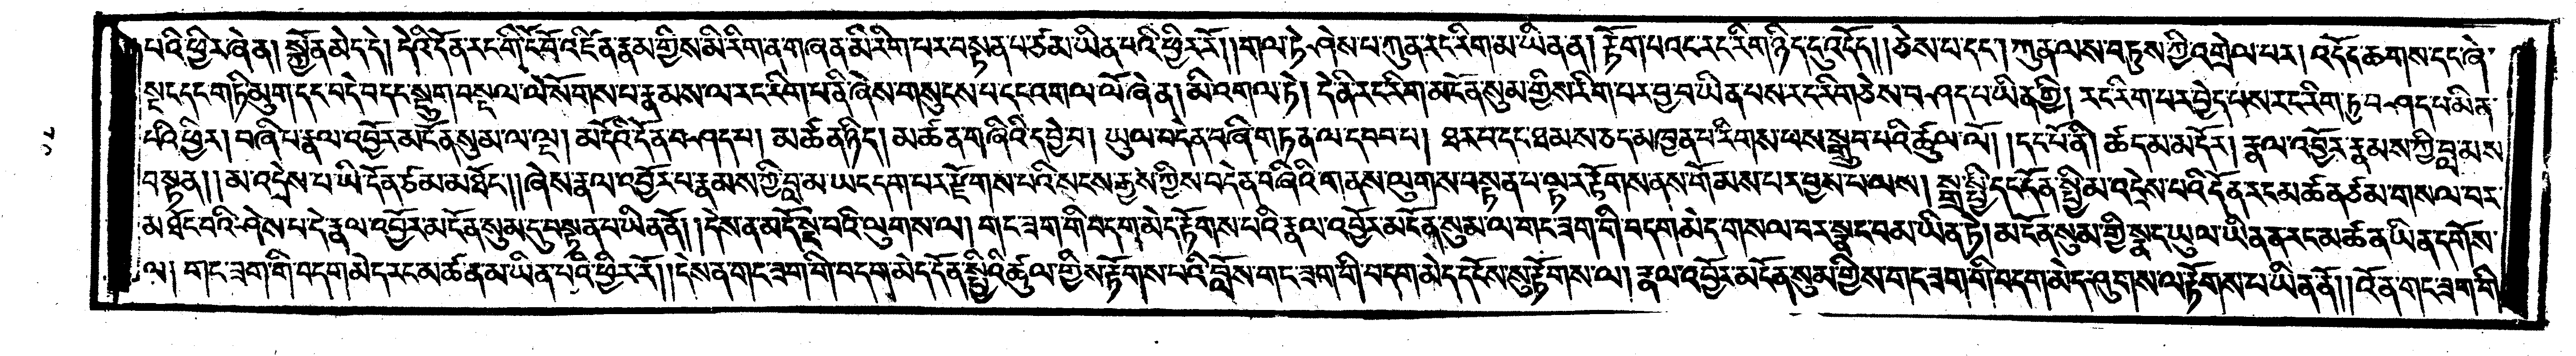པའི་ཕྱིར་ཞེ་ན། སྐྱོན་མེད་དེ། དེའི་དོན་རང་གི་ངོ་བོ་འཛིན་རྣམ་གྱིས་མི་རིག་ན་གཞན་མི་རིག་པར་བསྟན་པ་ཙམ་ཡིན་པའི་ཕྱིར་རོ། །གལ་ཏེ་ཤེས་པ་ཀུན་རང་རིག་མ་ཡིན་ན། རྟོག་པའང་རང་རིག་ཉིད་དུ་འདོད། །ཅེས་པ་དང་། ཀུན་ལས་བཏུས་ཀྱི་འགྲེལ་པར། འདོད་ཆགས་དང་ཞེ་
སྡང་དང་གཏི་མུག་དང་བདེ་བ་དང་སྡུག་བསྔལ་ལ་སོགས་པ་རྣམས་ལ་རང་རིག་པ་ནི་ཞེས་གསུངས་པ་དང་འགལ་ལོ་ཞེ་ན། མི་འགལ་ཏེ། དེ་ནི་རང་རིག་མངོན་སུམ་གྱིས་རིག་པར་བྱ་བ་ཡིན་པས་རང་རིག་ཅེས་བཤད་པ་ཡིན་གྱི། རང་རིག་པར་བྱེད་པས་རང་རིག་ཏུ་བཤད་པ་མིན་
པའི་ཕྱིར། བཞི་པ་རྣལ་འབྱོར་མངོན་སུམ་ལ་ལྔ། མདོའི་དོན་བཤད་པ། མཚན་ཉིད། མཚན་གཞིའི་དབྱེ་བ། ཡུལ་བདེན་བཞི་གཏན་ལ་དབབ་པ། ཐར་པ་དང་ཐམས་ཅད་མཁྱེན་པ་རིགས་པས་སྒྲུབ་པའི་ཚུལ་ལོ། །དང་པོ་ནི། ཚད་མ་མདོར། རྣལ་འབྱོར་རྣམས་ཀྱི་བླ་མས་
བསྟན། །མ་འདྲེས་པ་ཡི་དོན་ཙམ་མཐོང་། །ཞེས་རྣལ་འབྱོར་པ་རྣམས་ཀྱི་བླ་མ་ཡང་དག་པར་རྫོགས་པའི་སངས་རྒྱས་ཀྱིས་བདེན་བཞིའི་གནས་ལུགས་བསྟན་པ་ལྟར་རྟོགས་ནས་གོམས་པར་བྱས་པ་ལས། སྒྲ་སྤྱི་དང་དོན་སྤྱི་མ་འདྲེས་པའི་དོན་རང་མཚན་ཙམ་གསལ་བར་
མཐོང་བའི་ཤེས་པ་དེ་རྣལ་འབྱོར་མངོན་སུམ་དུ་བསྟན་པ་ཡིན་ནོ། །དེས་ན་མདོ་སྡེ་པའི་ལུགས་ལ། གང་ཟག་གི་བདག་མེད་རྟོགས་པའི་རྣལ་འབྱོར་མངོན་སུམ་ལ་གང་ཟག་གི་བདག་མེད་གསལ་བར་སྣང་བ་མ་ཡིན་ཏེ། མངོན་སུམ་གྱི་སྣང་ཡུལ་ཡིན་ན་རང་མཚན་ཡིན་དགོས་
ལ༑ གང་ཟག་གི་བདག་མེད་རང་མཚན་མ་ཡིན་པའི་ཕྱིར་རོ། །དེས་ན་གང་ཟག་གི་བདག་མེད་དོན་སྤྱིའི་ཚུལ་གྱིས་རྟོགས་པའི་བློས་གང་ཟག་གི་བདག་མེད་དངོས་སུ་རྟོགས་ལ། རྣལ་འབྱོར་མངོན་སུམ་གྱིས་གང་ཟག་གི་བདག་མེད་ཤུགས་ལ་རྟོགས་པ་ཡིན་ནོ། །འོ་ན་གང་ཟག་གི་